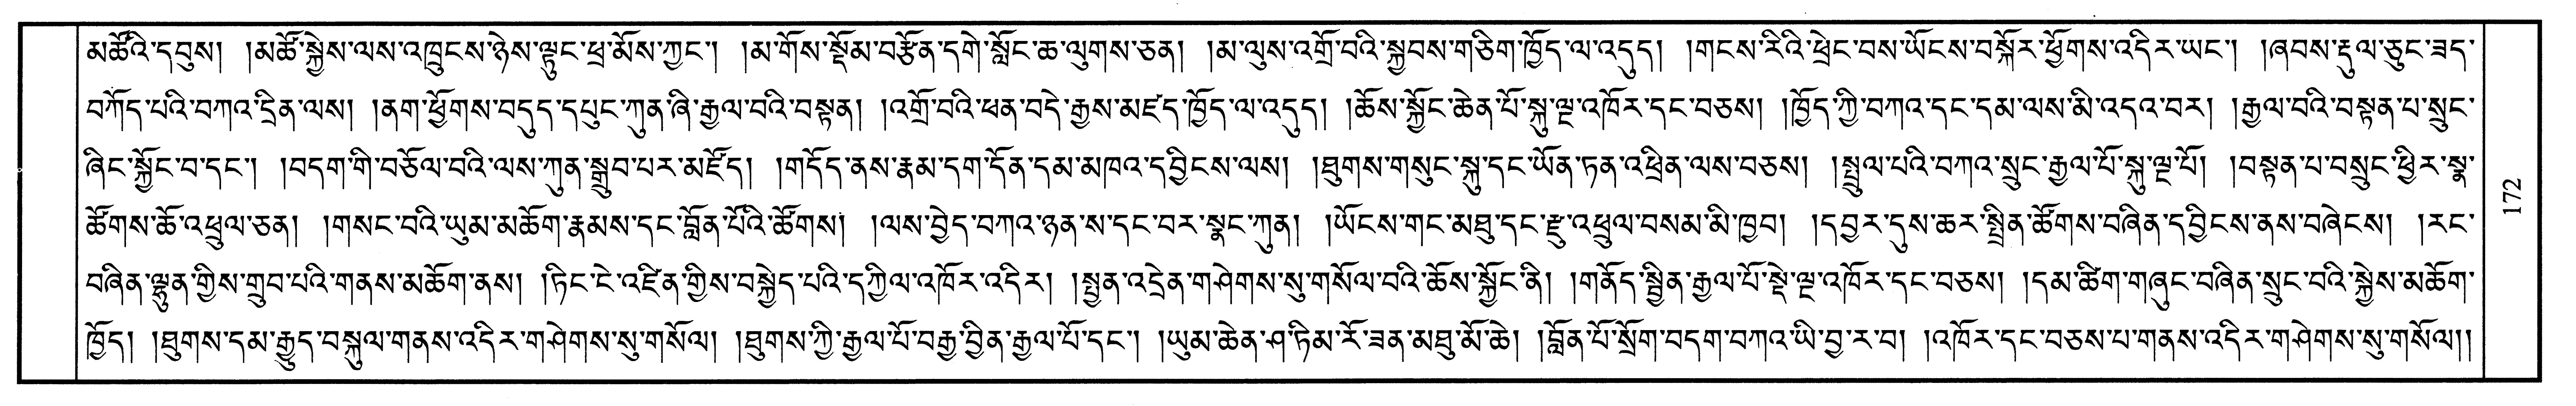མཚོའི་དབུས། །མཚོ་སྐྱེས་ལས་འཁྲུངས་ཉེས་ལྟུང་ཕྲ་མོས་ཀྱང་། །མ་གོས་སྡོམ་བརྩོན་དགེ་སློང་ཆ་ལུགས་ཅན། །མ་ལུས་འགྲོ་བའི་སྐྱབས་གཅིག་ཁྱོད་ལ་འདུད། །གངས་རིའི་ཕྲེང་བས་ཡོངས་བསྐོར་ཕྱོགས་འདིར་ཡང་། །ཞབས་རྡུལ་ཅུང་ཟད་
བཀོད་པའི་བཀའ་དྲིན་ལས། །ནག་ཕྱོགས་བདུད་དཔུང་ཀུན་ཞི་རྒྱལ་བའི་བསྟན། །འགྲོ་བའི་ཕན་བདེ་རྒྱས་མཛད་ཁྱོད་ལ་འདུད། །ཆོས་སྐྱོང་ཆེན་པོ་སྐུ་ལྔ་འཁོར་དང་བཅས། །ཁྱོད་ཀྱི་བཀའ་དང་དམ་ལས་མི་འདའ་བར། །རྒྱལ་བའི་བསྟན་པ་སྲུང་
ཞིང་སྐྱོང་བ་དང་། །བདག་གི་བཅོལ་བའི་ལས་ཀུན་སྒྲུབ་པར་མཛོད། །གདོད་ནས་རྣམ་དག་དོན་དམ་མཁའ་དབྱིངས་ལས། །ཐུགས་གསུང་སྐུ་དང་ཡོན་ཏན་འཕྲིན་ལས་བཅས། །སྤྲུལ་པའི་བཀའ་སྲུང་རྒྱལ་པོ་སྐུ་ལྔ་པོ། །བསྟན་པ་བསྲུང་ཕྱིར་སྣ་
ཚོགས་ཆོ་འཕྲུལ་ཅན། །གསང་བའི་ཡུམ་མཆོག་རྣམས་དང་བློན་པོའི་ཚོགས། །ལས་བྱེད་བཀའ་ཉན་ས་དང་བར་སྣང་ཀུན། །ཡོངས་གང་མཐུ་དང་རྫུ་འཕྲུལ་བསམ་མི་ཁྱབ། །དབྱར་དུས་ཆར་སྤྲིན་ཚོགས་བཞིན་དབྱིངས་ནས་བཞེངས། །རང་
བཞིན་ལྷུན་གྱིས་གྲུབ་པའི་གནས་མཆོག་ནས། །ཏིང་ངེ་འཛིན་གྱིས་བསྐྱེད་པའི་དཀྱིལ་འཁོར་འདིར། །སྤྱན་འདྲེན་གཤེགས་སུ་གསོལ་བའི་ཆོས་སྐྱོང་ནི། །གནོད་སྦྱིན་རྒྱལ་པོ་སྡེ་ལྔ་འཁོར་དང་བཅས། །དམ་ཚིག་གཞུང་བཞིན་སྲུང་བའི་སྐྱེས་མཆོག་
ཁྱོད། །ཐུགས་དམ་རྒྱུད་བསྐུལ་གནས་འདིར་གཤེགས་སུ་གསོལ། །ཐུགས་ཀྱི་རྒྱལ་པོ་བརྒྱ་བྱིན་རྒྱལ་པོ་དང་། །ཡུམ་ཆེན་ཤ་ཏིམ་རོ་ཟན་མཐུ་མོ་ཆེ། །བློན་པོ་སྲོག་བདག་བཀའ་ཡི་བྱ་ར་བ། །འཁོར་དང་བཅས་པ་གནས་འདིར་གཤེགས་སུ་གསོལ།།